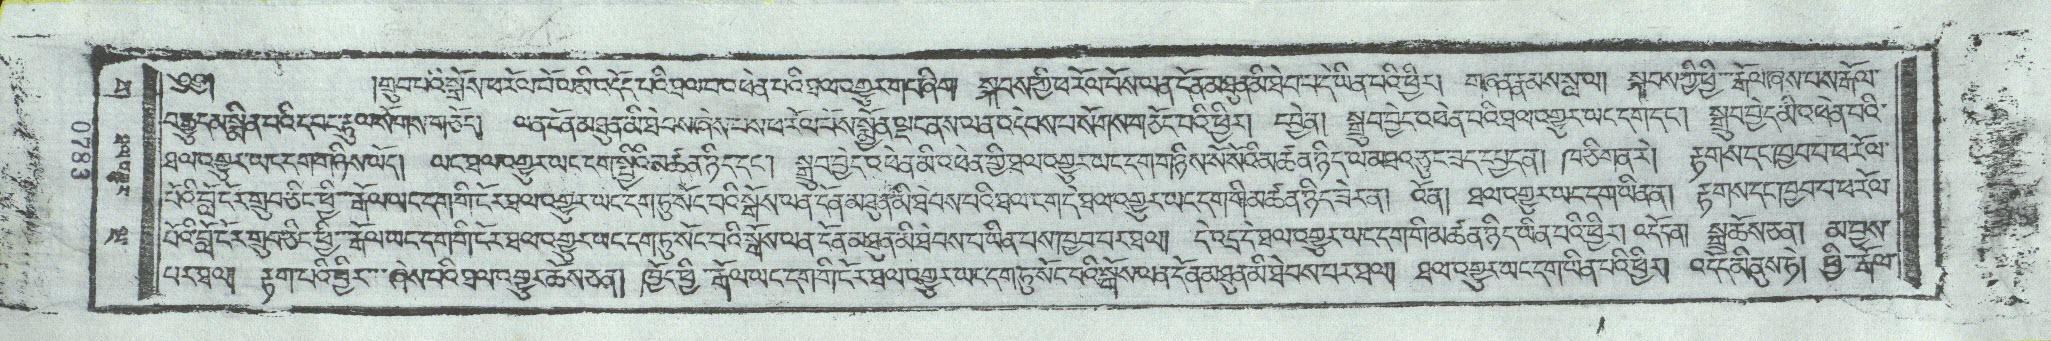༄༅། །གྲུབ་པའི་སྒོས་ཕ་རོལ་པོ་ལ་མི་འདོད་པའི་ཐལ་བ་འཕེན་པའི་ཐལ་འགྱུར་གང་ཞིག། སྐབས་ཀྱི་ཕ་རོལ་པོས་ལན་དོན་མཐུན་མི་ཐེབ་པ་དེ་ཡིན་པའི་ཕྱིར། གཞན་རྣམས་སླ་ལ། སྐབས་ཀྱི་ཕྱི་རྒོལ་ཞེས་པས་རྒོལ་
པ་རྒྱུད་མ་སྨིན་པའི་དབང་རྟུལ་སོགས་གཅོད། ལན་དོན་མཐུན་མི་ཐེབས་ཞེས་པས་ཕ་རོལ་པོས་སྨྱོན་ལྡང་ནས་ལན་འདེབས་པ་སོགས་གཅོད་པའི་ཕྱིར། དབྱེ་ན། སྒྲུབ་བྱེད་འཕེན་པའི་ཐལ་འགྱུར་ཡང་དག་དང་། སྒྲུབ་བྱེད་མི་འཕེན་པའི་
ཐལ་འགྱུར་ཡང་དག་གཉིས་ཡོད། ཡང་ཐལ་འགྱུར་ཡང་དག་སྤྱིའི་མཚན་ཉིད་དང་། སྒྲུབ་བྱེད་འཕེན་མི་འཕེན་གྱི་ཐལ་འགྱུར་ཡང་དག་གཉིས་སོ་སོའི་མཚན་ཉིད་ལ་མཐའ་ཅུང་ཟད་དཔྱད་ན། ཁ་ཅིག་ན་རེ། རྟགས་དང་ཁྱབ་པ་ཕ་རོལ་
པོའི་བློ་ངོར་གྲུབ་ཅིང་ཕྱི་རྒོལ་ཡང་དག་གི་ངོར་ཐལ་འགྱུར་ཡང་དག་ཏུ་སོང་བའི་སྒོས་ལན་དོན་མཐུན་མི་ཐེབས་པའི་ཐལ་ངག་དེ་ཐལ་འགྱུར་ཡང་དག་གི་མཚན་ཉིད་ཟེར་ན། འོ་ན། ཐལ་འགྱུར་ཡང་དག་ཡིན་ན། རྟགས་དང་ཁྱབ་པ་ཕ་རོལ་
པོའི་བློ་ངོར་གྲུབ་ཅིང་ཕྱི་རྒོལ་ཡང་དག་གི་ངོར་ཐལ་འགྱུར་ཡང་དག་ཏུ་སོང་བའི་སྒོས་ལན་དོན་མཐུན་མི་ཐེབས་བ་ཡིན་པས་ཁྱབ་པར་ཐལ། དེ་འདྲ་དེ་ཐལ་འགྱུར་ཡང་དག་གི་མཚན་ཉིད་ཡིན་པའི་ཕྱིར། འདོད་ན། སྒྲ་ཆོས་ཅན། མ་བྱས་
པར་ཐལ། རྟག་པའི་ཕྱིར་ཞེས་པའི་ཐལ་འགྱུར་ཆོས་ཅན། ཁྱོད་ཕྱི་རྒོལ་ཡང་དག་གི་ངོར་ཐལ་འགྱུར་ཡང་དག་ཏུ་སོང་བའི་སྒོས་ལན་དོན་མཐུན་མི་ཐེབས་པར་ཐལ། ཐལ་འགྱུར་ཡང་དག་ཡིན་པའི་ཕྱིར། འདོད་མི་ནུས་ཏེ། ཕྱི་རྒོལ་